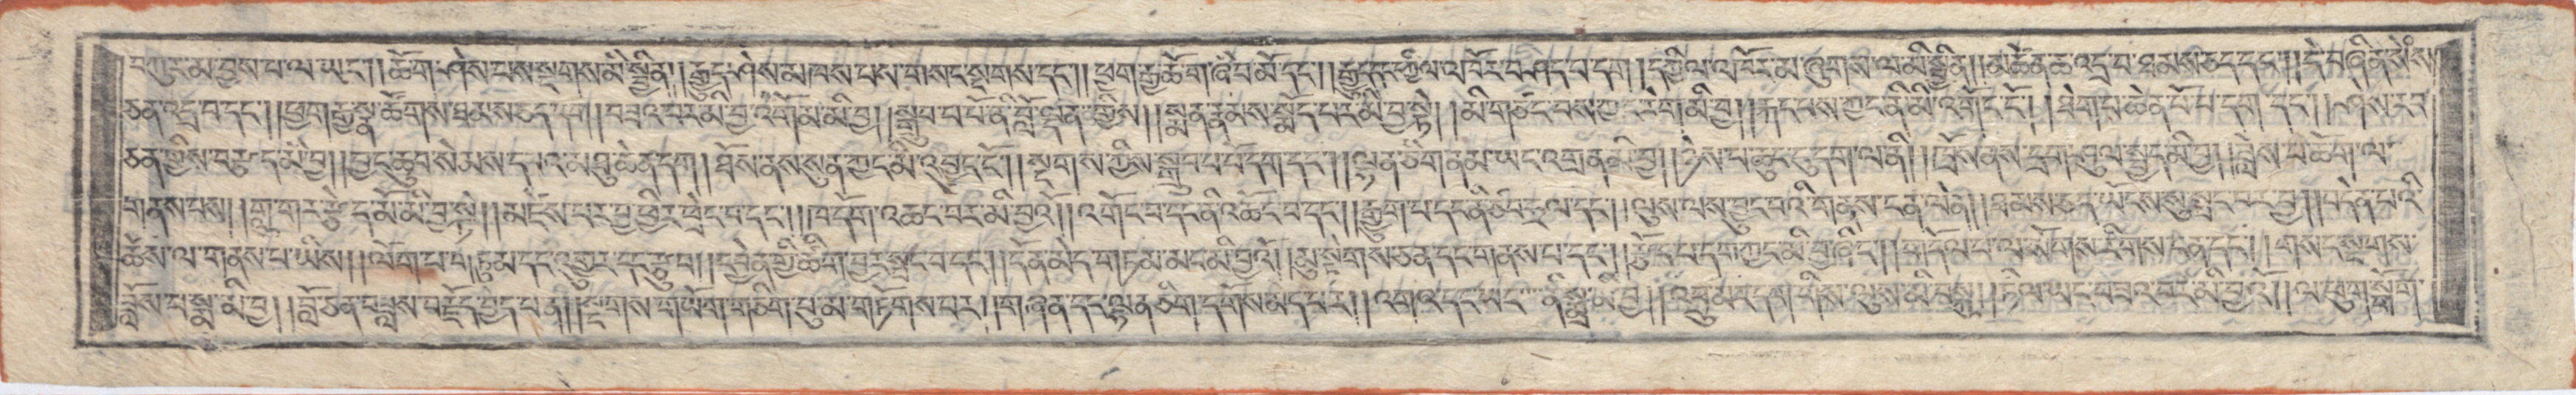བཀུར་མ་བྱས་པ་ལ་ཡང་། །ཆོ་ག་ཤེས་པས་སྔགས་མི་སྦྱིན། །རྒྱུད་ཤེས་མཁས་པས་གསང་སྔགས་དང་། །ཕྱག་རྒྱ་ཆོ་ག་ཞིབ་མོ་དང་། །རྒྱུད་དང་དཀྱིལ་འཁོར་བཤད་པ་དག །དཀྱིལ་འཁོར་མ་ཞུགས་ལ་མི་སྦྱིན། །མཚོན་ཆ་འདྲ་བ་ཐམས་ཅད་དང་། །དེ་བཞིན་སེམས་
ཅན་འདྲ་བ་དང་། །ཕྱག་རྒྱ་སྣ་ཚོགས་ཐམས་ཅད་དག །བཟའ་བར་མི་བྱ་འགོམ་མི་བྱ། །སྒྲུབ་པ་པོ་ནི་བློ་ལྡན་གྱིས། །སྨན་རྣམས་སྨོད་པར་མི་བྱ་སྟེ། །མི་གཙང་བས་ཀྱང་རེག་མི་བྱ། །རྐང་པས་ཀྱང་ནི་མི་འགོང་ངོ། །ཐེག་པ་ཆེན་པོ་པ་དག་དང་། །ཤེས་རབ་
ཅན་གྱིས་བརྩད་མི་བྱ། །བྱང་ཆུབ་སེམས་དཔའ་མཐུ་ཆེན་དག །ཐོས་ནས་སུན་ཀྱང་མི་འབྱུང་ངོ། །སྔགས་ཀྱིས་སྒྲུབ་པ་པོ་དག་དང་། །ལྷན་ཅིག་ནམ་ཡང་འགྲན་མི་བྱ། །ཉེས་པ་ཆུང་ངུ་དག་ལ་ནི། །ཁྲོས་ནས་དྲག་ཤུལ་སྤྱད་མི་བྱ། །ཟློས་པ་ཆོ་ག་ལ་
གནས་པས། །གླུ་གར་རྩེད་མོ་མི་བྱ་སྟེ། །མཛེས་པར་བྱ་ཕྱིར་ཕྲེང་བ་དང་། །ཁ་དོག་འཆང་བར་མི་བྱའོ། །འགོང་བ་དང་ནི་འཆོང་བ་དང་། །རྒྱུག་པ་དང་ནི་ཙབ་ཧྲལ་དང་། །ལུས་ལས་བྱུང་བའི་གནས་ངན་ལེན། །ཐམས་ཅད་ཡོངས་སུ་སྤང་བར་བྱ། །བདེན་པའི་
ཆོས་ལ་གནས་པ་ཡིས། །ལོག་པ་གཏུམ་དང་འགྱུར་དང་རྩུབ། །དབྱེན་གྱི་ཚིག་བྱར་སྤང་བ་དང་། །དོན་མེད་གཏམ་མང་མི་བྱའོ། །མུ་སྟེགས་ཅན་དང་གནས་པ་དང་། །རྩོད་པ་དག་ཀྱང་མི་བྱ་ཞིང་། །གདོལ་པ་ལ་སོགས་རིགས་ངན་དང་། །གསང་སྔགས་
ཟློས་པ་སྨྲ་མི་བྱ། །བློ་ཅན་བཟླས་བརྗོད་བྱེད་པ་ན། །སྔགས་གཡོག་གཅིག་པུ་མ་གཏོགས་པར། །གཞན་དང་ལྷན་ཅིག་དགོས་མེད་པར། །འགའ་དང་ཡང་ནི་སྨྲ་མི་བྱ། །འབྲུ་མར་དག་གིས་ལུས་མི་བསྐུ། །ཏིལ་ཡང་བཟའ་བར་མི་བྱའོ། །ལ་ཕུག་སྒོག་